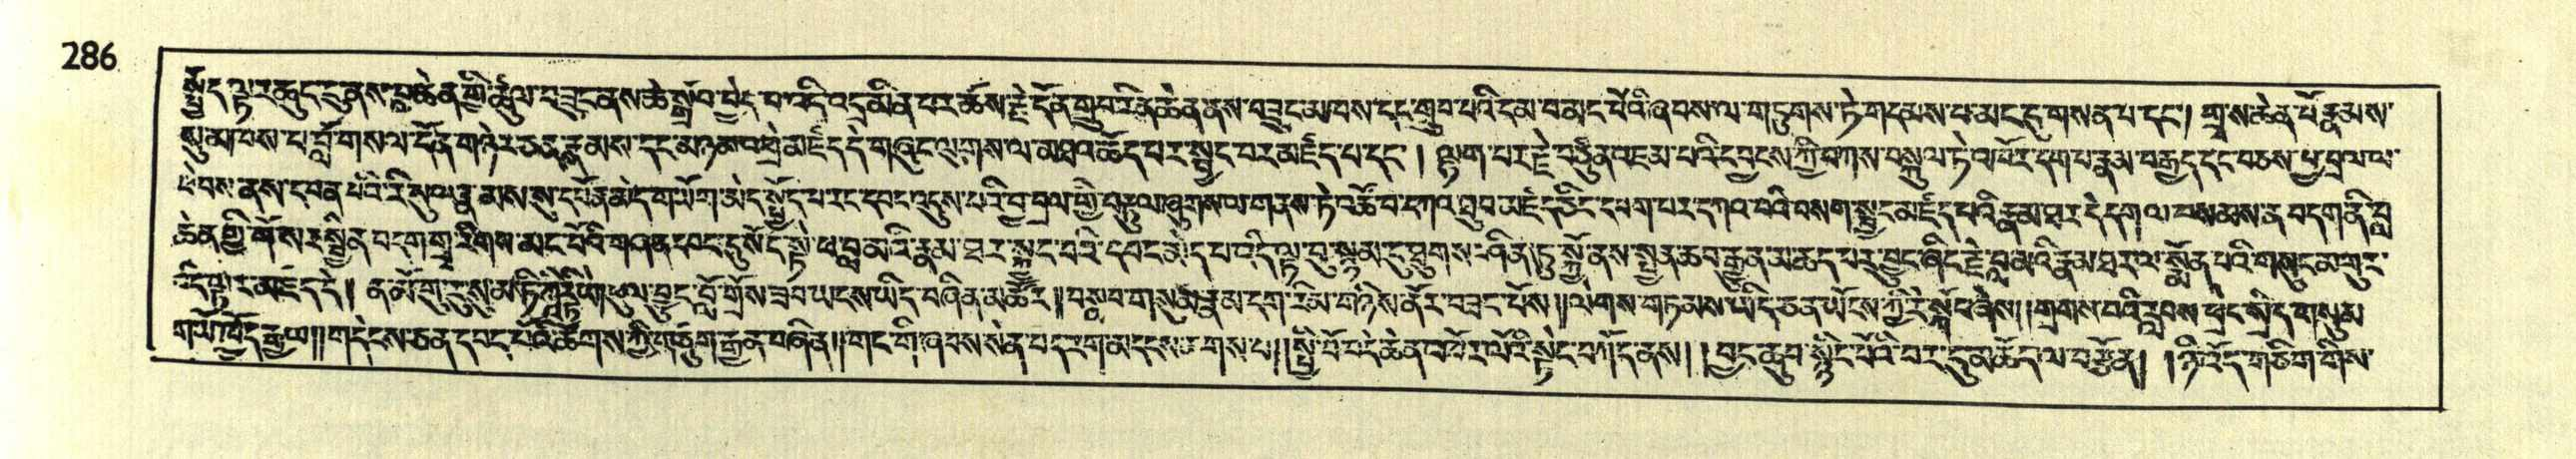སྤྱོད་ལྟར་ཆུང་དུ་ནས་བླ་ཆེན་གྱི་ཚུལ་བཟུང་ནས་ཆེ་སྒྲོབ་བྱེད་པ་འདི་འདྲ་མིན་པར་ཆོས་རྗེ་དོན་གྲུབ་རིན་ཆེན་ནས་བཟུང་མཁས་དང་གྲུབ་པའི་དམ་བ་མང་པོའི་ཞབས་ལ་གཏུགས་ཏེ་གདམས་པ་མང་དུ་གསན་པ་དང་། གྲྭ་ས་ཆེན་པོ་རྣམས་
སུ་མཁས་པ་བློ་གསལ་དོན་གཉེར་ཅན་རྣམས་དང་མཉམ་འཕྲེ་མཛད་དེ་གཞུང་ལུགས་ལ་མཐའ་ཆོད་པར་སྤྱང་བར་མཛད་པ་དང་། ལྷག་པར་རྗེ་བཙུན་འཇམ་པའི་དབྱངས་ཀྱི་བཀས་བསྐུལ་ཏེ་འཁོར་དག་པ་རྣམ་བརྒྱད་དང་བཅས་བྱ་བྲལ་ལ་
ཕེབས་ནས་དབན་པའི་རི་སུལ་རྣམས་སུ་དཔོན་མེད་གཡོག་མེད་སྤྱོད་པ་རང་དབང་འདུས་པའི་བྱ་བྲལ་གྱི་བརྟུལ་ཞུགས་ལ་གནས་ཏེ་འཚོ་བ་དཀའ་ཐུབ་མཛད་ཅིང་དཔག་པར་དཀའ་བའི་བསག་སྦྱང་མཛད་པའི་རྣམ་ཐར་དེ་དག་ལ་བསམས་ན་བདག་ནི་བླ་
ཆེན་གྱི་གོ་སར་སྦྱིན་བདག་གྲྭ་རིགས་མང་པོའི་གཞན་དབང་དུ་སོང་སྟེ་ཕ་བླ་མའི་རྣམ་ཐར་སྐྱང་བའི་དབང་མེད་པ་འདི་ལྟ་བུ་སྙམ་དུ་ཐུགས་ཤིན་ཏུ་སྐྱོན་ནས་སྤྱན་ཆབ་རྒྱུན་མ་ཆད་པར་བྱུང་ཞིང་རྗེ་བླ་མའི་རྣམ་ཐར་ལ་སྨོན་པའི་གསུང་མགུར་
འདི་ལྟར་མཛད་དོ། ན་མོ་གུ་རུ་སུ་མ་ཏི་ཀཱིརྟིཡེ། ཕུལ་བྱུང་བློ་གྲོས་ཟབ་ཡངས་ཡིད་བཞིན་མཚོར། །བསླབ་གསུམ་རྣམ་དག་རིམ་གཉིས་ནོར་བཟང་པོས། །ལེགས་གཏམས་ཡིད་ཅན་ཡོངས་ཀྱི་རེ་སྐོང་ཞེས། །གྲགས་བའི་རླབས་ཕྲེང་སྲིད་གསུམ་
གཡོ་ཁྱོད་རྒྱལ། །གདེངས་ཅན་དབང་པོའི་ཚོགས་ཀྱི་གཙུག་རྒྱན་བཞིན། །གང་གི་ཞབས་སེན་པད་རག་མདངས་ཆགས་པ། །སྤྱི་བོ་བདེ་ཆེན་འཁོར་ལོའི་སྟེང་བཀོད་ནས། །བྱང་ཆུབ་སྙིང་པོའི་བར་དུ་མཆོད་ལ་བརྩོན། །ཉི་འོད་གཅིག་གིས་